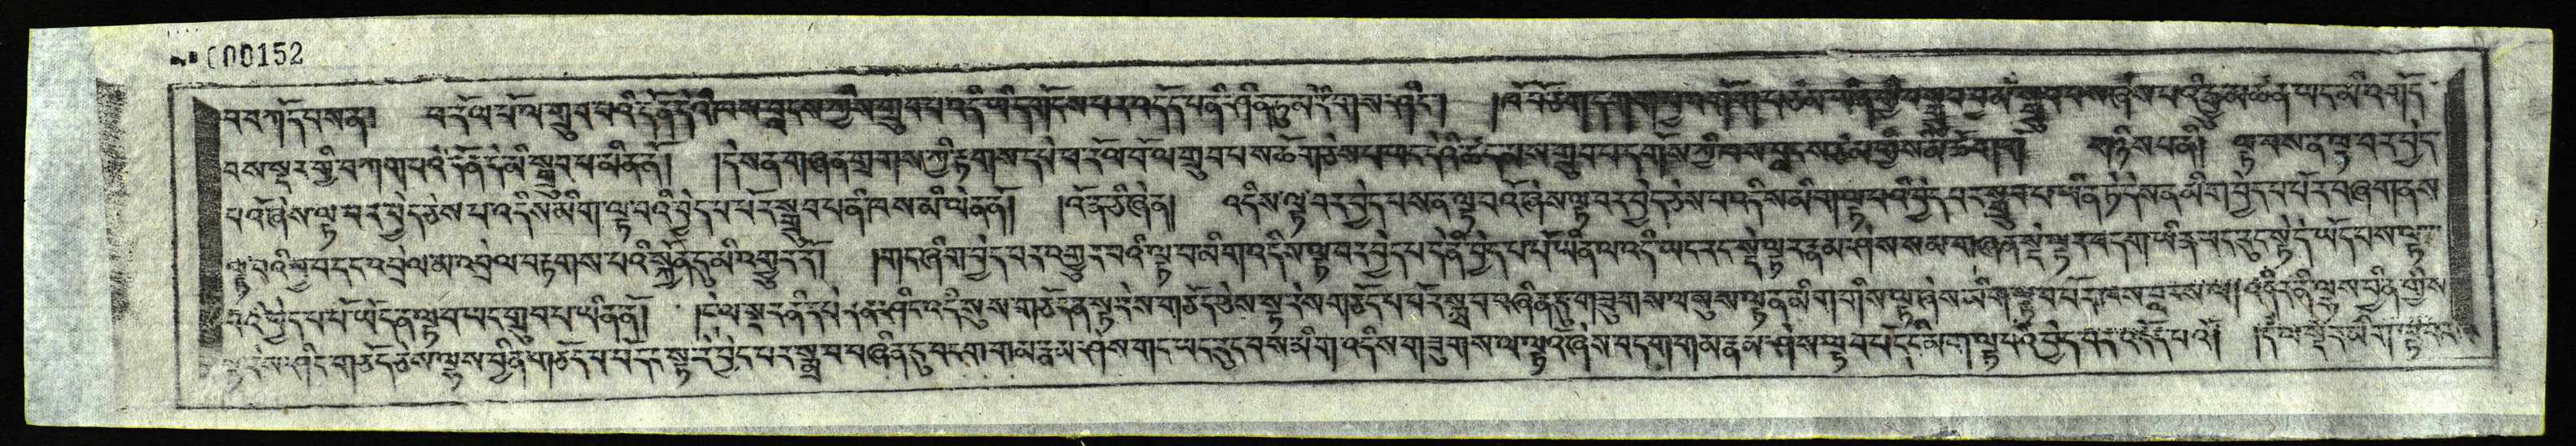པ་བཀོད་པས་ན། ཕ་རོལ་པོ་ལ་གྲུབ་པའི་དོན་དེའི་ཁས་བླངས་ཀྱིས་གྲུབ་པ་འདི་ཡི་དགོངས་པར་འདོད་པ་ནི་ཤིན་ཏུ་མི་རིགས་ཤིང་། །ཁོ་བོ་ཅག་དགག་བྱ་འགོག་གཅེས་ཡིན་གྱི་བསྒྲུབ་བྱ་མི་སྒྲུབ་པས་ཞེས་པའི་རྒྱུ་མཚན་ཡང་མི་འགོད་
པས་སྔར་གྱི་བཀག་པའི་དོན་དེ་མི་སྒྲུབ་པ་མིན་ནོ། །དེས་ན་གཞན་གྲགས་ཀྱི་རྟགས་དཔེ་ཕ་རོལ་པོ་ལ་གྲུབ་པས་ཆོག་ཅེས་པ་གང་དེའི་ཚད་མས་གྲུབ་པ་དགོས་ཀྱི་ཁས་བླངས་ཙམ་གྱིས་མཆོག་གོ་གཉིས་པ་ནི། ལྟ་བ་ན་ལྟ་བར་བྱེད་
པའོ་ཞེས་ལྟ་བར་བྱེད་ཅེས་པ་འདིས་མིག་ལྟ་བའི་བྱེད་པ་པོར་སྒྲུབ་པ་ནི་ཁས་མི་ལེན་ནོ། །འོ་ན་ཅི་ཞེ་ན། འདིས་ལྟ་བར་བྱེད་པས་ན་ལྟ་བའོ་ཞེས་ལྟ་བར་བྱེད་ཅེས་པ་འདིས་མིག་ལྟ་བའི་བྱེད་པར་སྒྲུབ་པ་ཡིན་ཏེ་དེས་ན་མིག་བྱེད་པ་པོར་བཞག་ནས་
ལྟ་བའི་བྱ་བ་དང་འབྲེལ་མ་འབྲེལ་བརྟགས་པའི་སྐྱོན་དུ་མི་འགྱུར་རོ། །གང་ཞིག་བྱེད་པར་འགྱུར་བའི་ལྟ་བ་མིག་འདིས་ལྟ་བར་བྱེད་པ་དེ་ནི་བྱེད་པ་པོ་ཡིན་ལ་འདི་ཡང་རང་སྡེ་ལྟར་རྣམ་ཤེས་སམ་གཞན་སྡེ་ལྟར་བདག་ཡིན་གང་རུང་སྟེ་དེ་ཡོད་པས་ལྟ་
བའི་བྱེད་པ་པོ་ཡོད་ན་ལྟ་བ་ཡང་གྲུབ་པ་ཡིན་ནོ། །དེ་ལ་སྔར་ནི་དཔེར་ན་ཤིང་འདི་སུས་གཅོད་ན་སྟ་རེས་གཅོད་ཅེས་སྟ་རེས་གཅོད་པ་པོར་སྨྲ་བ་བཞིན་དུ་གཟུགས་ལ་སུས་ལྟ་ན་མིག་གིས་ལྟ་ཞེས་མིག་ལྟ་བ་བོར་ཁས་བླངས་ལ། འདིར་ནི་ལྷས་བྱིན་གྱིས་
ལྟ་རེས་ཤིང་གཅོད་ཅེས་ལྷས་བྱིན་གཅོད་པ་པོ་དང་སྟ་རེ་བྱེད་པར་སྨྲ་བ་བཞིན་དུ་བདག་གམ་རྣམ་ཤེས་གང་ཡང་རུང་བས་མིག་འདིས་གཟུགས་ལ་ལྟའོ་ཞེས་བདག་གམ་རྣམ་ཤེས་ལྟ་བ་པོ་དང་མིག་ལྟ་བའི་བྱེད་བར་འདོད་པའོ། །དེ་ལ་སྡེར་མིག་ལྟ་བར་